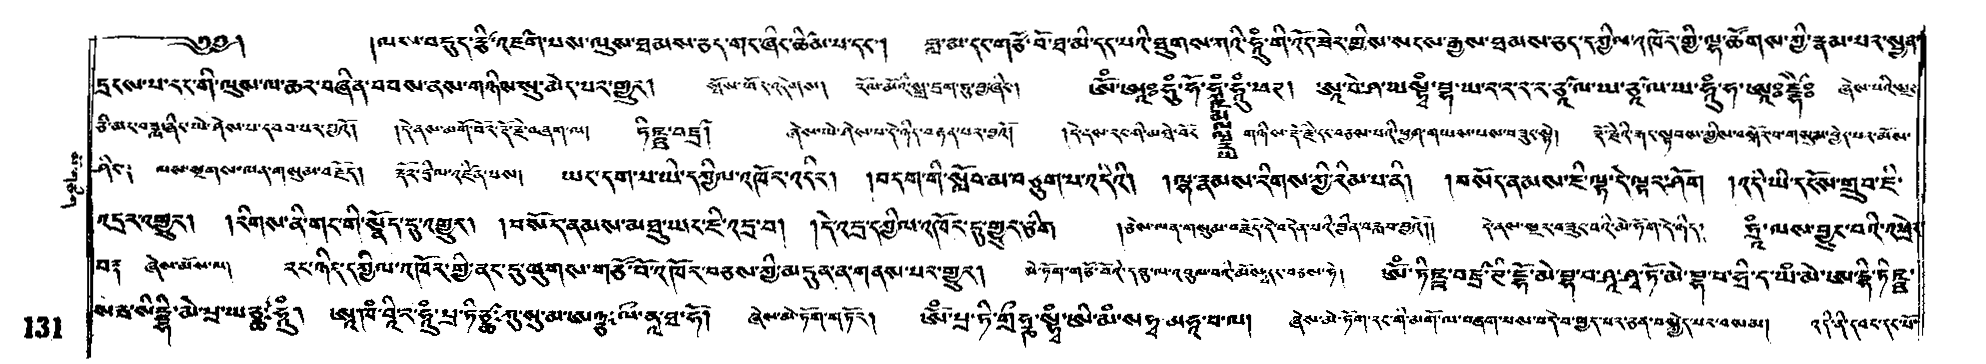༄༅། །ལས་བདུད་རྩི་འཛག་པས་ལུས་ཐམས་ཅད་གང་ཞིང་ཚིམ་པ་དང་། བླ་མ་དང་གཙོ་བོ་ཐ་མི་དད་པའི་ཐུགས་ཀའི་ཧཱུཾ་གི་འོད་ཟེར་གྱིས་སངས་རྒྱས་ཐམས་ཅད་དཀྱིལ་འཁོར་གྱི་ལྷ་ཚོགས་ཀྱི་རྣམ་པར་སྤྱན་
དྲངས་པ་རང་གི་ལུས་ལ་ཆར་བཞིན་བབས་ནས་གཉིས་སུ་མེད་པར་གྱུར། སྤོས་ཕོར་འདེགས། རོལ་མོའི་སྒྲ་དྲག་ཏུ་བྱ་ཞིང་།  ཨོཾ་ཨཱཿ ཧུཾ་ཧོ་ཧྐྵྨླླྭརྱཾ་ཧཱུཾ་ཕཊ། ཨཱ་བེ་ཤ་ཡསྟྭཾ་བྷ་ཡ་ར་ར་ར་ར་ཙཱ་ལ་ཡ་ཙཱ་ལ་ཡ་ཧཱུཾ་ཧ་ཨཱཿ ཛྷཻཿ ཞེས་པའི་སྔར་
ཅི་མང་བཟླ་ཞིང་ཡེ་ཤེས་པ་དབབ་པར་བྱའོ། །དེ་ནས་མགོ་པོར་རྡོ་རྗེ་བཞག་ལ། ཏིཥཊཿཨ་བཛྲ། ཞེས་ཡེ་ཤེས་པ་དེ་ཉིད་བརྟན་པར་བྱའོ། །དེ་ནས་རང་གི་མཐེ་བོང་གཉིས་རྡོ་རྗེ་དང་བཅས་པའི་ཕྱག་གཡས་པས་བཟུང་སྟེ། རྡོ་རྗེའི་རྐང་སྟབས་ཀྱིས་བསྐོར་བ་གསུམ་བྱེད་པར་མོས་
ཤིང༑ ལས་སྔགས་ལན་གསུམ་བརྗོད། རྡོར་དྲིལ་འཛིན་པས། ཡང་དག་པ་ཡི་དཀྱིལ་འཁོར་འདིར། །བདག་གི་སློབ་མ་བཅུག་པ་འདིའི། །ལྷ་རྣམས་རིགས་ཀྱི་རིམ་པ་ནི། །བསོད་ནམས་ཇི་ལྟ་དེ་ལྟར་ཤོག །འདི་ཡི་དངོས་གྲུབ་ཇི་
འདྲར་འགྱུར། །རིགས་ནི་གང་གི་སྣོད་དུ་འགྱུར། །བསོད་ནམས་མཐུ་ཡང་ཇི་འདྲ་བ། །དེ་འདྲ་དཀྱིལ་འཁོར་དུ་གྱུར་ཅིག ། ཅེས་ལན་གསུམ་བརྗོད་དེ་བདེན་པའི་བྱིན་བརླབ་བྱའོ།། དེ་ནས་སྔར་བཟུང་བའི་མེ་ཏོག་དེ་ཉིད།  ཏྲཱཾ་ལས་བྱུང་བའི་འཕྲེང་
བ༑ ཞེས་མོས་ལ།  རང་ཉིད་དཀྱིལ་འཁོར་གྱི་ནང་དུ་ཞུགས་གཙོ་བོ་འཁོར་བཅས་ཀྱི་མདུན་ན་གནས་པར་གྱུར། མེ་ཏོག་གཙོ་བོའི་དབུ་ལ་འབུལ་བའི་མོས་པ་དང་བཅས་ཏེ།  ཨོཾ་ཏིཥྚྷ་བཛྲ་ཊི་དྷོ་མེ་བྷ་བ་ཤཱ་ཤྭ་ཏོ་མེ་བྷ་བ་ཧྲི་ད་ཡཾ་མེ་ཨ་དྷི་ཏིཥཊཿཨ་
སརྦ་སིདྡྷི་མེ་པྲ་ཡཙྪ་ཧཱུཾ། ཨཱ་ཁཾ་བཱི་ར་ཧཱུཾ་པྲ་ཏིཙྪ་ཀུ་སུ་མ་ཨཉྩ་ལྀ་ནཱ་ཐ་ཧོ། ཞེས་མེ་ཏོག་གཏོར།  ཨོཾ་པྲ་ཏི་གྲྀཧྞ་སྟྭཾ་ཨི་མཾ་སཏྭ་མཧཱ་བ་ལ། ཞེས་མེ་ཏོག་རང་གི་མགོ་ལ་བཞག་པས་བདེ་བ་ཁྱད་པར་ཅན་བསྐྱེད་པར་བསམ། འདི་ནི་དབང་དང་པོ་